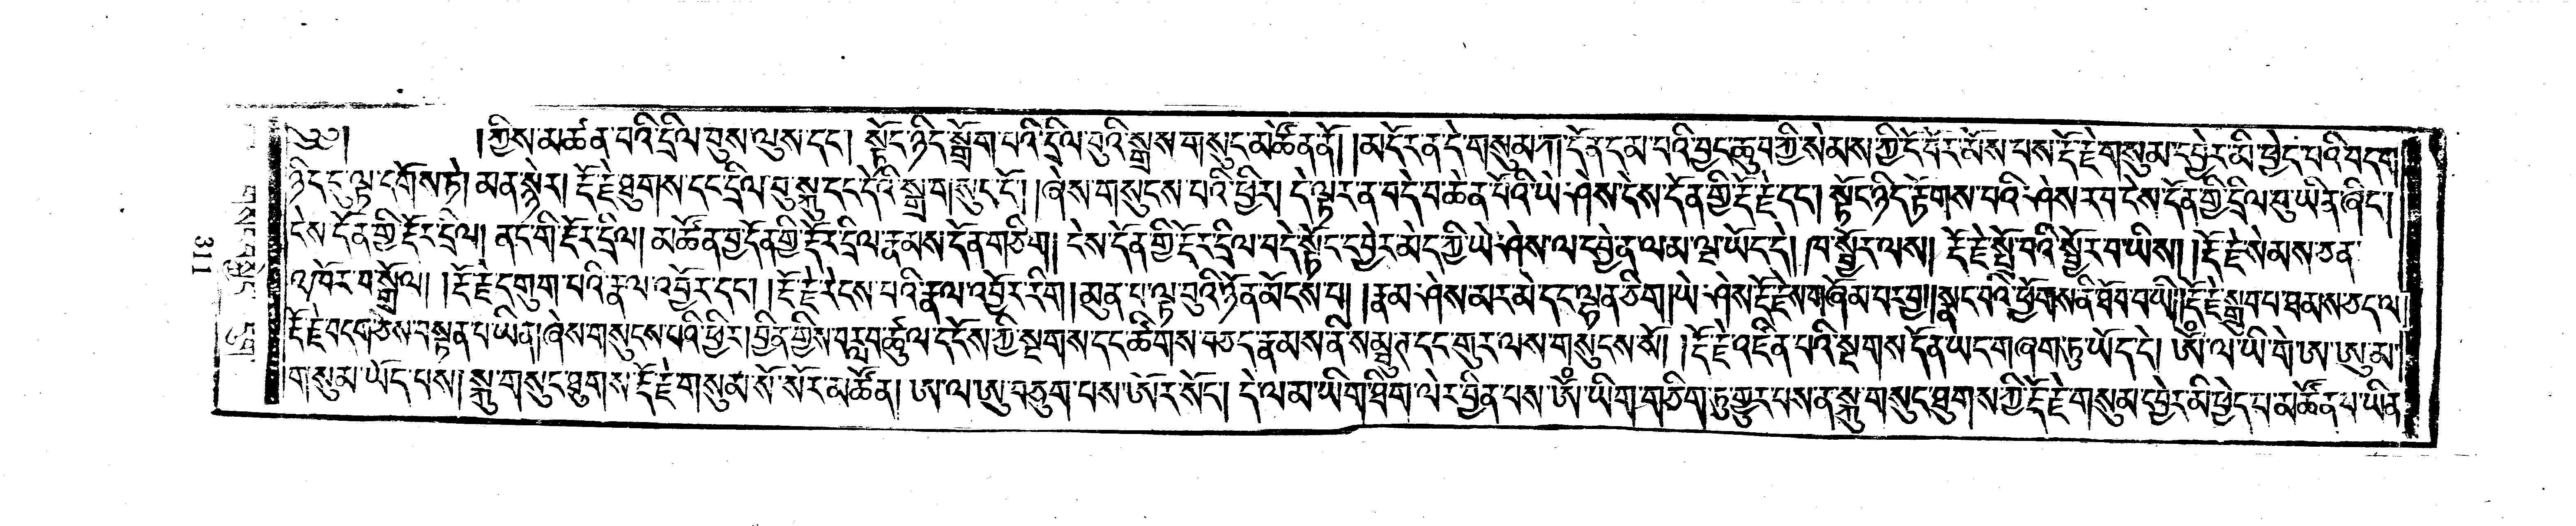༄༅། །ཀྱིས་མཚན་པའི་དྲིལ་བུས་ལུས་དང་། སྟོང་ཉིད་སྒྲོག་པའི་དྲིལ་བུའི་སྒྲས་གསུང་མཚོན་ནོ། །མདོར་ན་དེ་གསུམ་ཀ་དོན་དམ་པའི་བྱང་ཆུབ་ཀྱི་སེམས་ཀྱི་ངོ་བོར་མོས་པས་རྡོ་རྗེ་གསུམ་དབྱེར་མི་ཕྱེད་པའི་བདག་
ཉིད་དུ་ལྟར་གོས་ཏེ། མན་སྙེར། རྡོ་རྗེ་ཐུགས་དང་དྲིལ་བུ་སྐུ་དང་དེའི་སྒྲ་གསུང་ངོ། །ཞེས་གསུངས་པའི་ཕྱིར། དེ་ལྟར་ན་བདེ་བ་ཆེན་པོའི་ཡེ་ཤེས་ངེས་དོན་གྱི་རྡོ་རྗེ་དང་། སྟོང་ཉིད་རྟོགས་པའི་ཤེས་རབ་ངེས་དོན་གྱི་དྲིལ་བུ་ཡིན་ཞིང་།
ངེས་དོན་གྱི་རྡོར་དྲིལ། ནང་གི་རྡོར་དྲིལ། མཚོན་བྱ་དོན་གྱི་རྡོར་དྲིལ་རྣམས་དོན་གཅིག །ངེས་དོན་གྱི་རྡོར་དྲིལ་བདེ་སྟོང་དབྱེར་མེད་ཀྱི་ཡེ་ཤེས་ལ་དབྱེ་ན་ལམ་ལྔ་ཡོད་དེ། ཁ་སྦྱོར་ལས། རྡོ་རྗེ་སྤྲོ་བའི་སྦྱོར་བ་ཡིས། །རྡོ་རྗེ་སེམས་ཅན་
འཁོར་བ་སྒྲོལ། །རྡོ་རྗེ་དགུག་པའི་རྣལ་འབྱོར་དང་། །རྡོ་རྗེ་རེངས་པའི་རྣལ་འབྱོར་རིག །མུན་པ་ལྟ་བུའི་ཉོན་མོངས་པ། །རྣམ་ཤེས་མར་མེ་དང་ལྷན་ཅིག །ཡེ་ཤེས་རྡོ་རྗེས་གཞོམ་པར་བྱ། །སྣང་བའི་ཕྱོགས་ནི་ཐོབ་པ་ཡི། །རྡོ་རྗེ་སྒྲུབ་པ་ཐམས་ཅད་ལ།།
རྡོ་རྗེ་བདག་ཅེས་བསྟན་པ་ཡིན། ཞེས་གསུངས་པའི་ཕྱིར། བྱིན་གྱིས་བརླབ་ཚུལ་དངོས་ཀྱི་སྔགས་དང་ཚིགས་བཅད་རྣམས་ནི་སམྦུ་ཊ་དང་གུར་ལས་གསུངས་སོ། །རྡོ་རྗེ་འཛིན་པའི་སྔགས་དོན་ཡང་གཞག་ཏུ་ཡོད་དེ། ཨོཾ་ལ་ཡི་གེ་ཨ་ཨུ་མ་
གསུམ་ཡོད་པས། སྐུ་གསུང་ཐུགས་རྡོ་རྗེ་གསུམ་སོ་སོར་མཚོན། ཨ་ལ་ཨུ་བཅུག་པས་ཨོར་སོར། དེ་ལ་མ་ཡིག་ཐིག་ལེར་བྱིན་པས་ཨོཾ་ཡིག་གཅིག་ཏུ་གྱུར་པས་ན་སྐུ་གསུང་ཐུགས་ཀྱི་རྡོ་རྗེ་གསུམ་དབྱེར་མི་ཕྱེད་པ་མཚོན་པ་ཡིན་